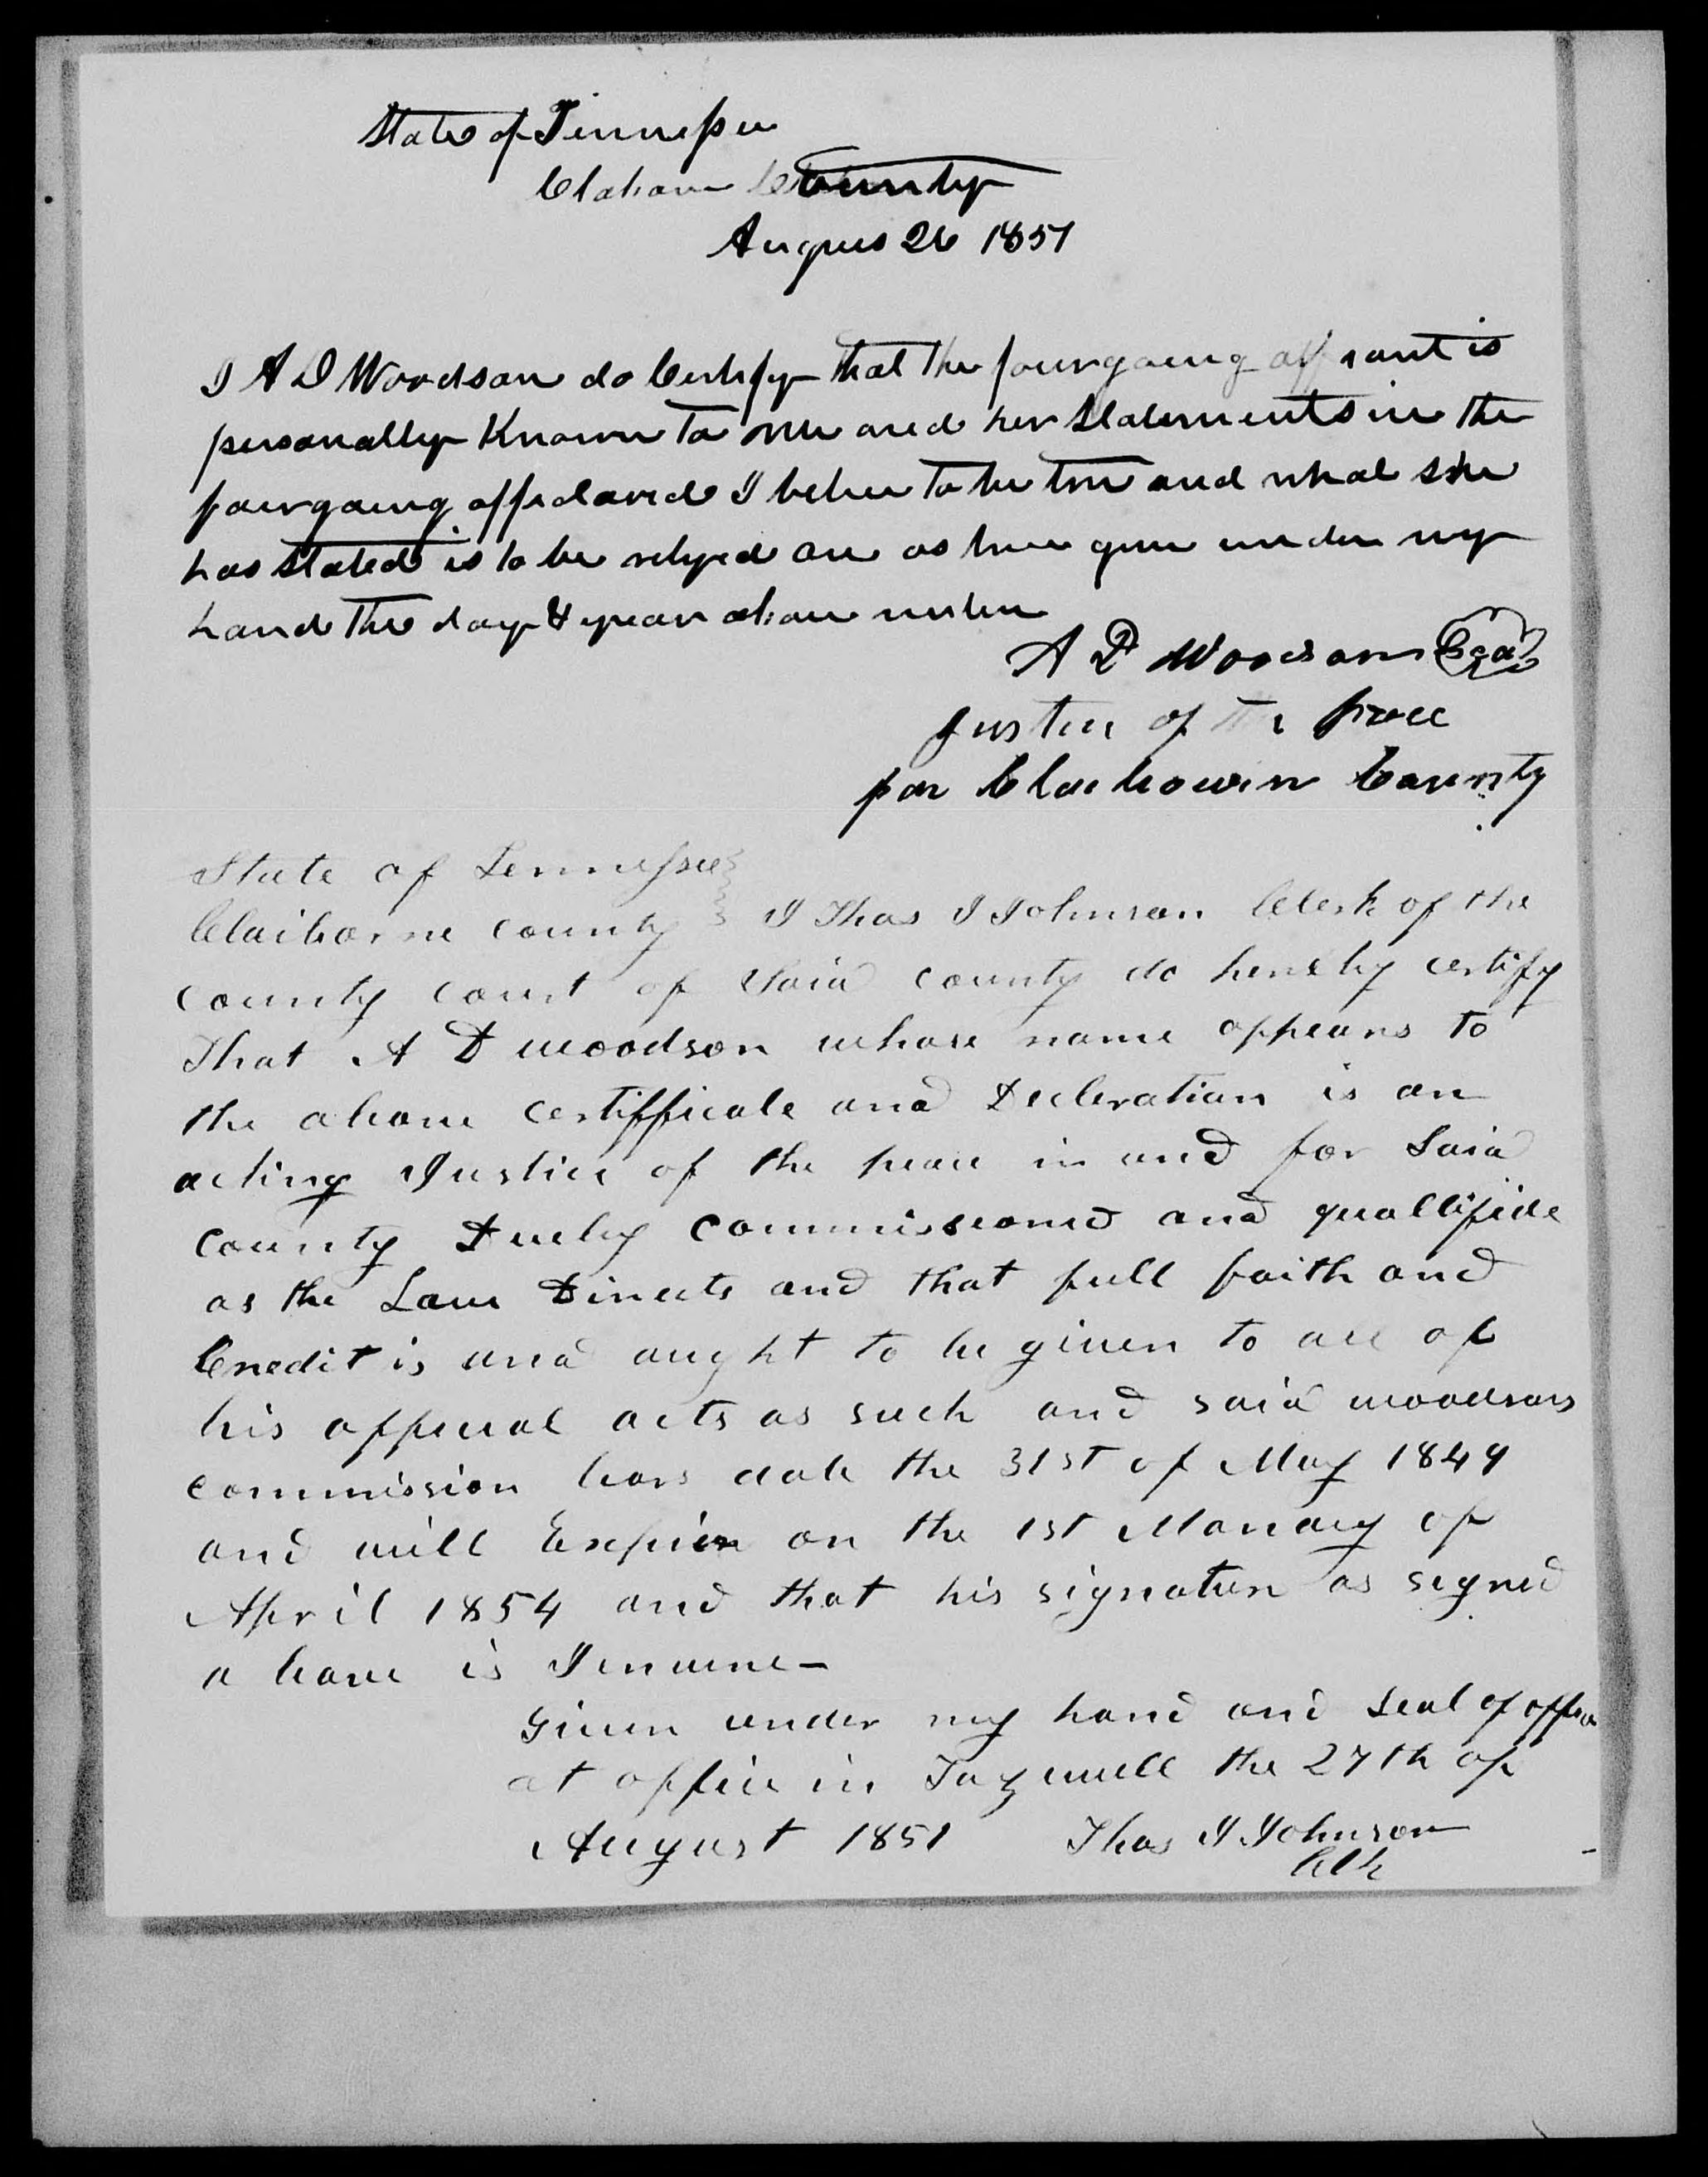State of Tennessee 
Claborne [Claiborne] County 
Augus [August] 26 1851 

I AD Woodson do Certify that the foregoing affiant is 
personally known to me and her Statements in the 
foregoing affidavid [affidavit] I believe to be true and what she 
has stated is to be relyed [relied] on as hers given under my 
hand the day and year above writen [written]
AD Woodson [seal] 
Justice of the Peace 
for Claibourn County 
State of Tennessee )
Claiborne County   )
 I Thos J Johnson Clerk of the 
county court of said county do hereby certify That A D Woodson whose name appears to 
the above certifficate [certificate] and Declaration is an 
acting Justice of the peace in and for said county Duly Commissioned and quallifide [qualified]
as the Law Directs and that full faith and 
Credit is and ought to be given to all of 
his official acts as such and said Woodsons Commission bears date the 31st of May 1849 and will Expire on the 1st Monday of 
April 1854 and that his signature as signed above is Genuine- 
Given under my hand and seal of office 
at office in Tazewell the 27th of 
August 1851 
Thos J Johnson 
Clk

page: 25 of 120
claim: widow's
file: W. 1044, for Salathiel Martin, North Carolina